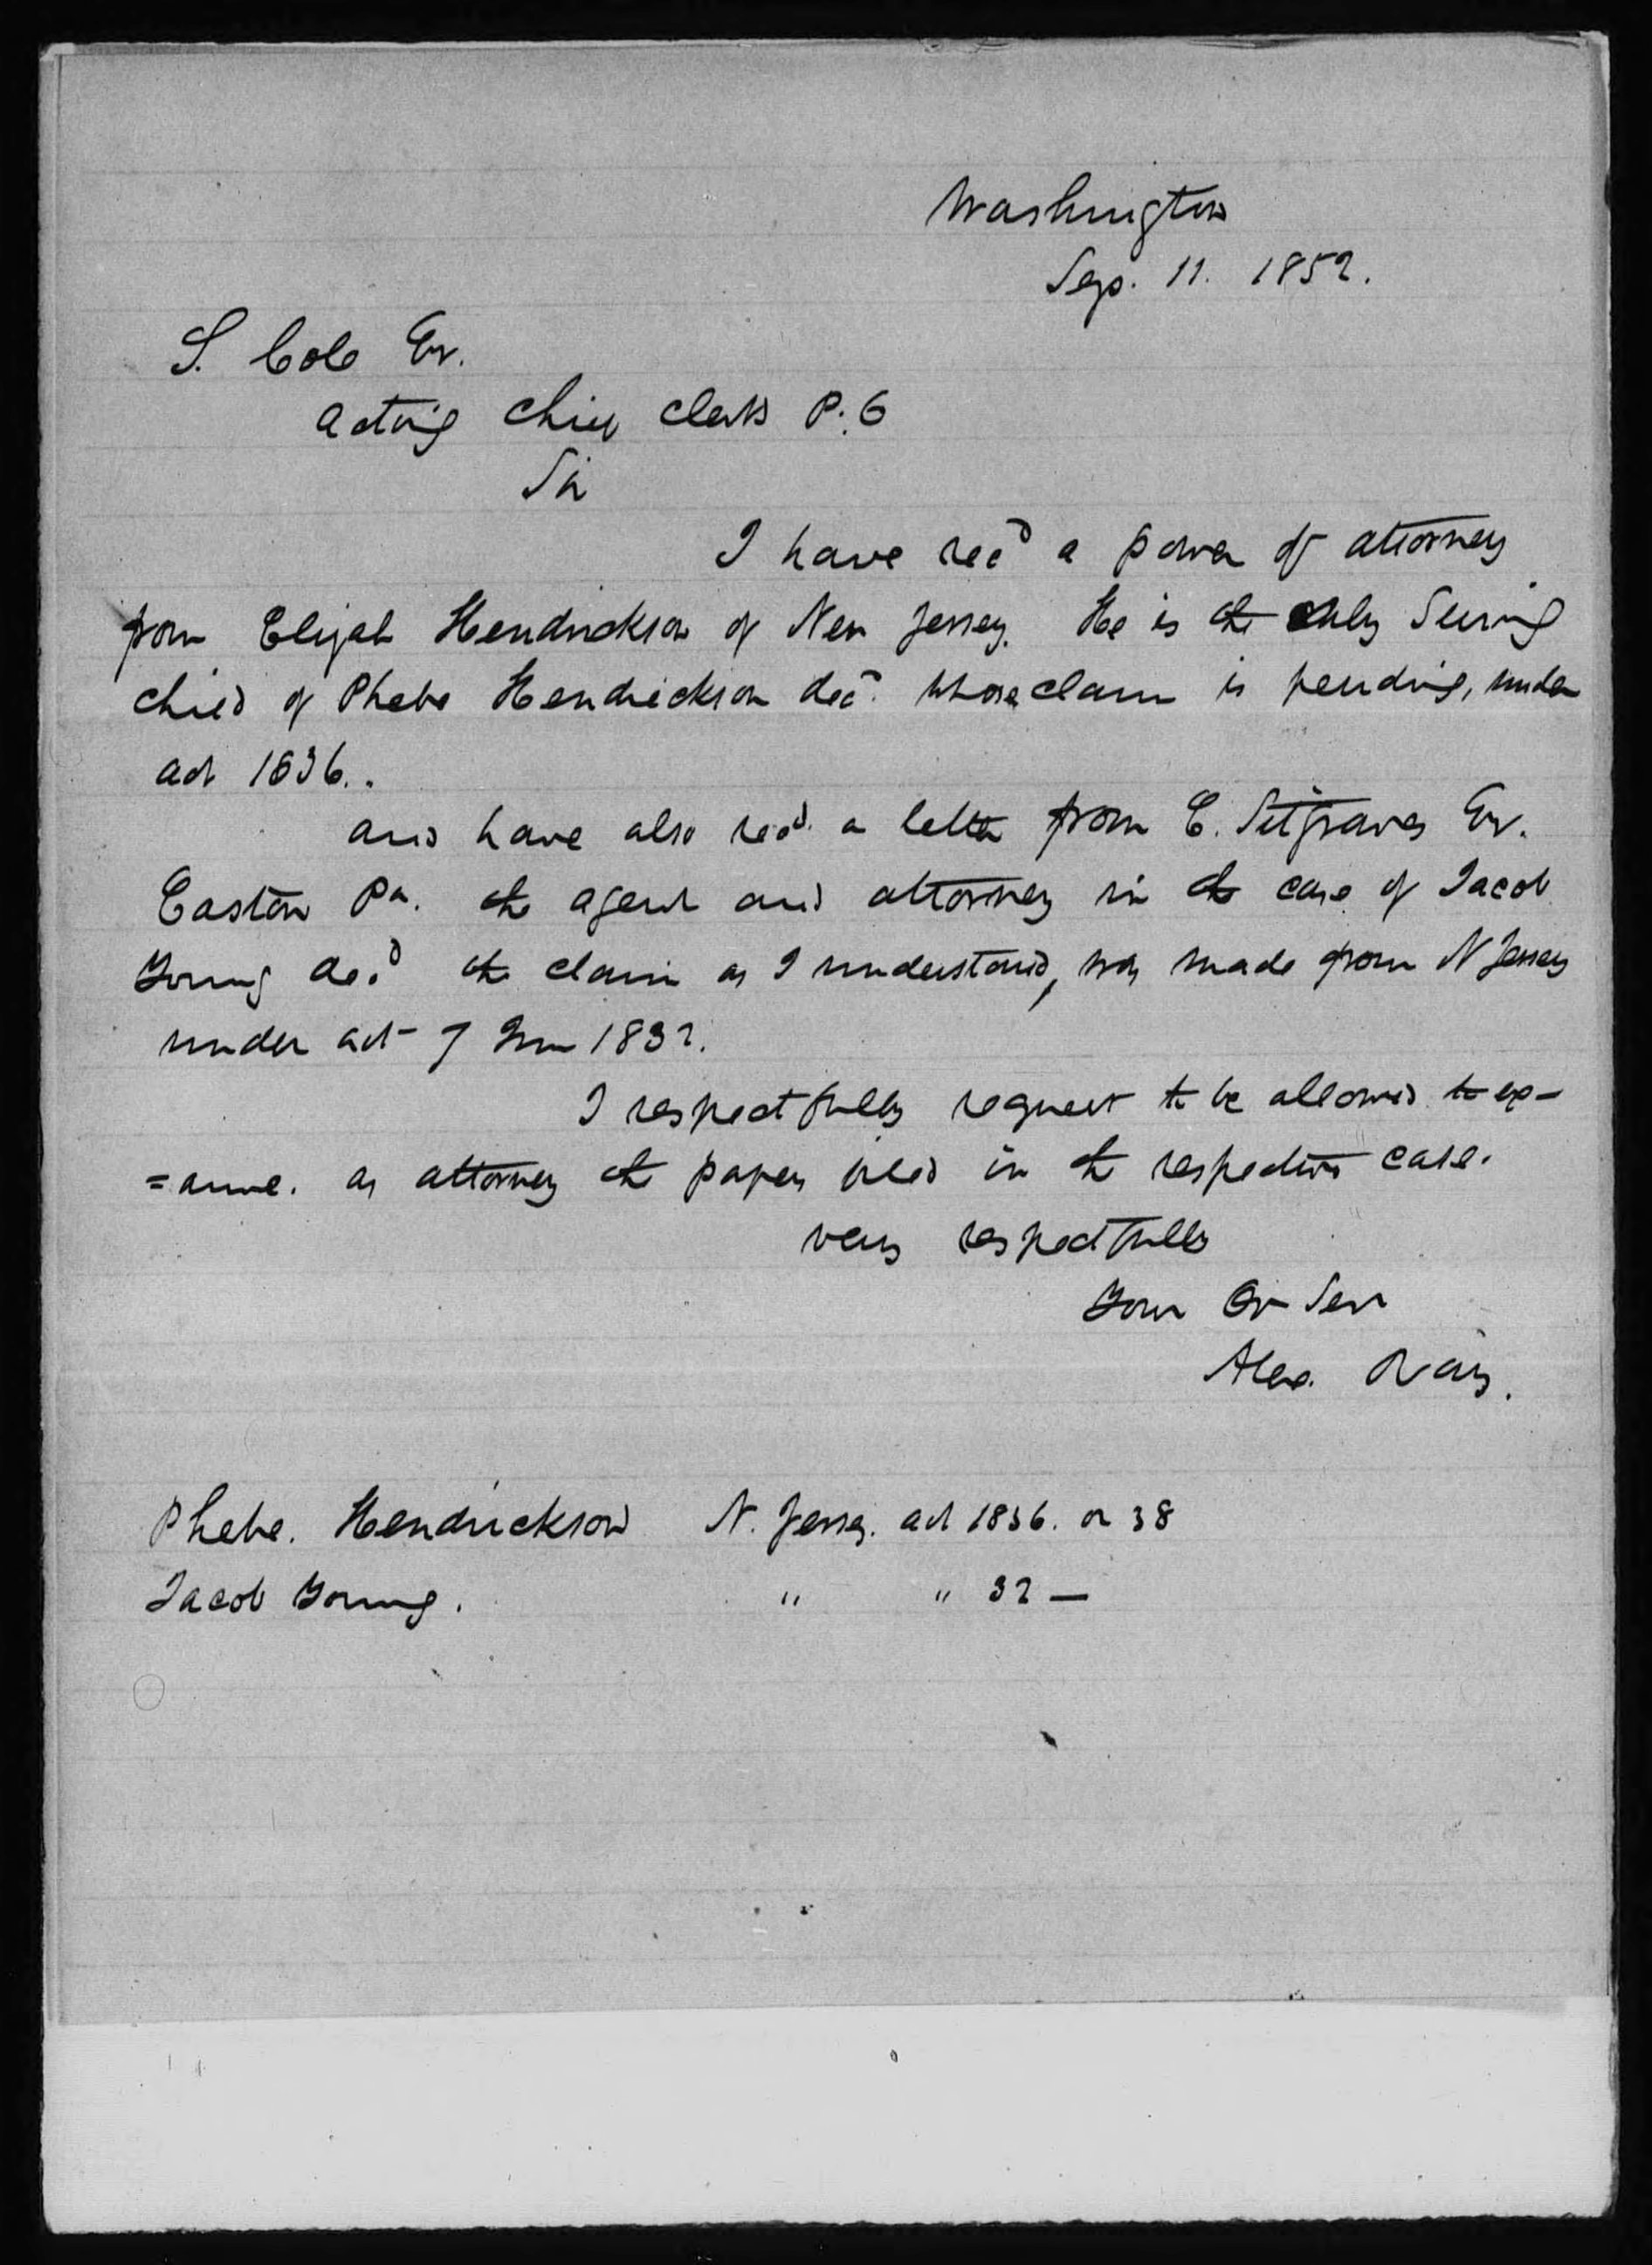Washington
Sep. 11. 1852.

L. Cole Es.
Acting Chief Clerk P. G.
Sir
I have recd a power of attorney
from Elijah Hendrickson of New Jersey. He is the only Surviving child of Phebe Hendrickson decd. whose claim is pending, under
Act 1836.
And have also recd. a letter from E. Sitgraves Esq. Easton Pa. the agent and attorney in the case of Jacob Young decd. The claim as I understand was made from N Jersey
under act 7 of Jun 1832.
I respectfully request to be allowed to examine 
as attorney the papers filed in the respective case.
very respectfully
Your Ob Ser
Alex. Ray


Phebe Hendrickson  N. Jersey act 1836 or 38
Jacob Young                   "          "      32_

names: Alex Ray, Phebe Hendrickson, Phebe Hendrickson, Jacob Young, T Cole, Elijah Hendrickson, Jacob Young, C Sitgraves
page: 20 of 20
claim: rejected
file: R. 4884, Benjamin Hendrickson, New Jersey